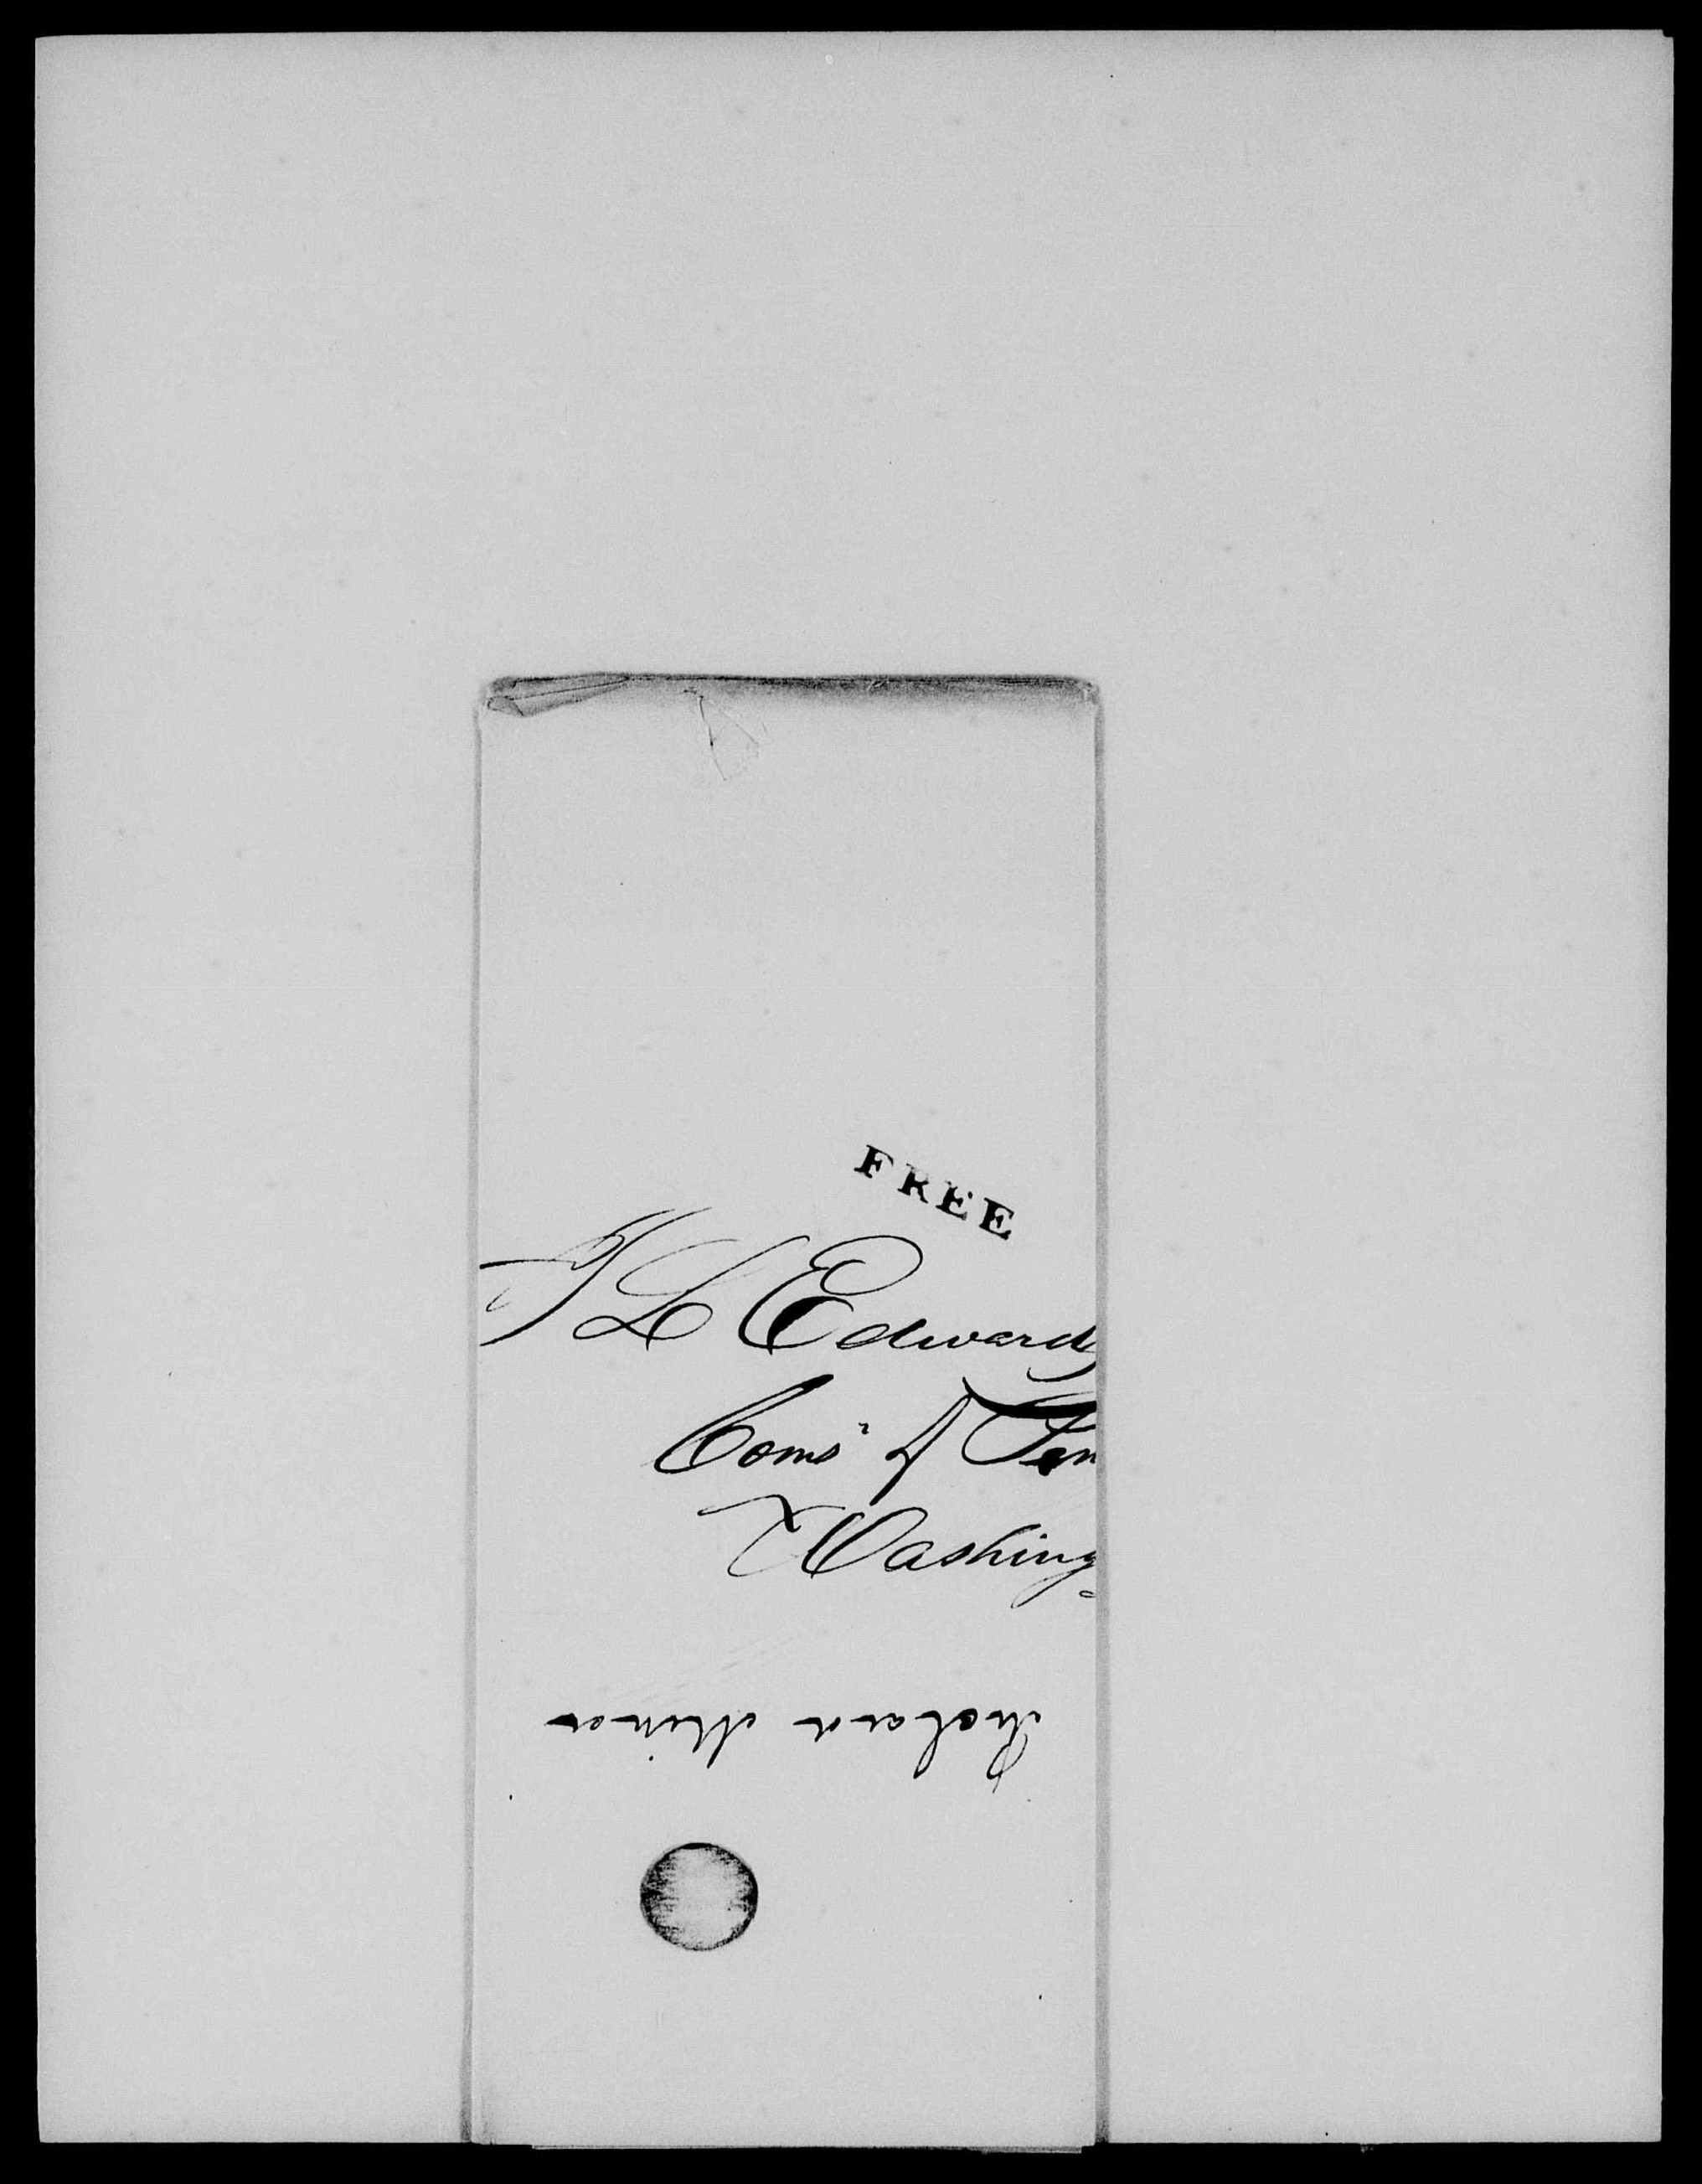[stamp] Free
JL Edwards
Coms of Pen
Washing

Richard Miner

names: Richard Miner; J L Edwards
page: 26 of 34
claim: survivor's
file: S. 13944, for Richard Miner, Massachusetts